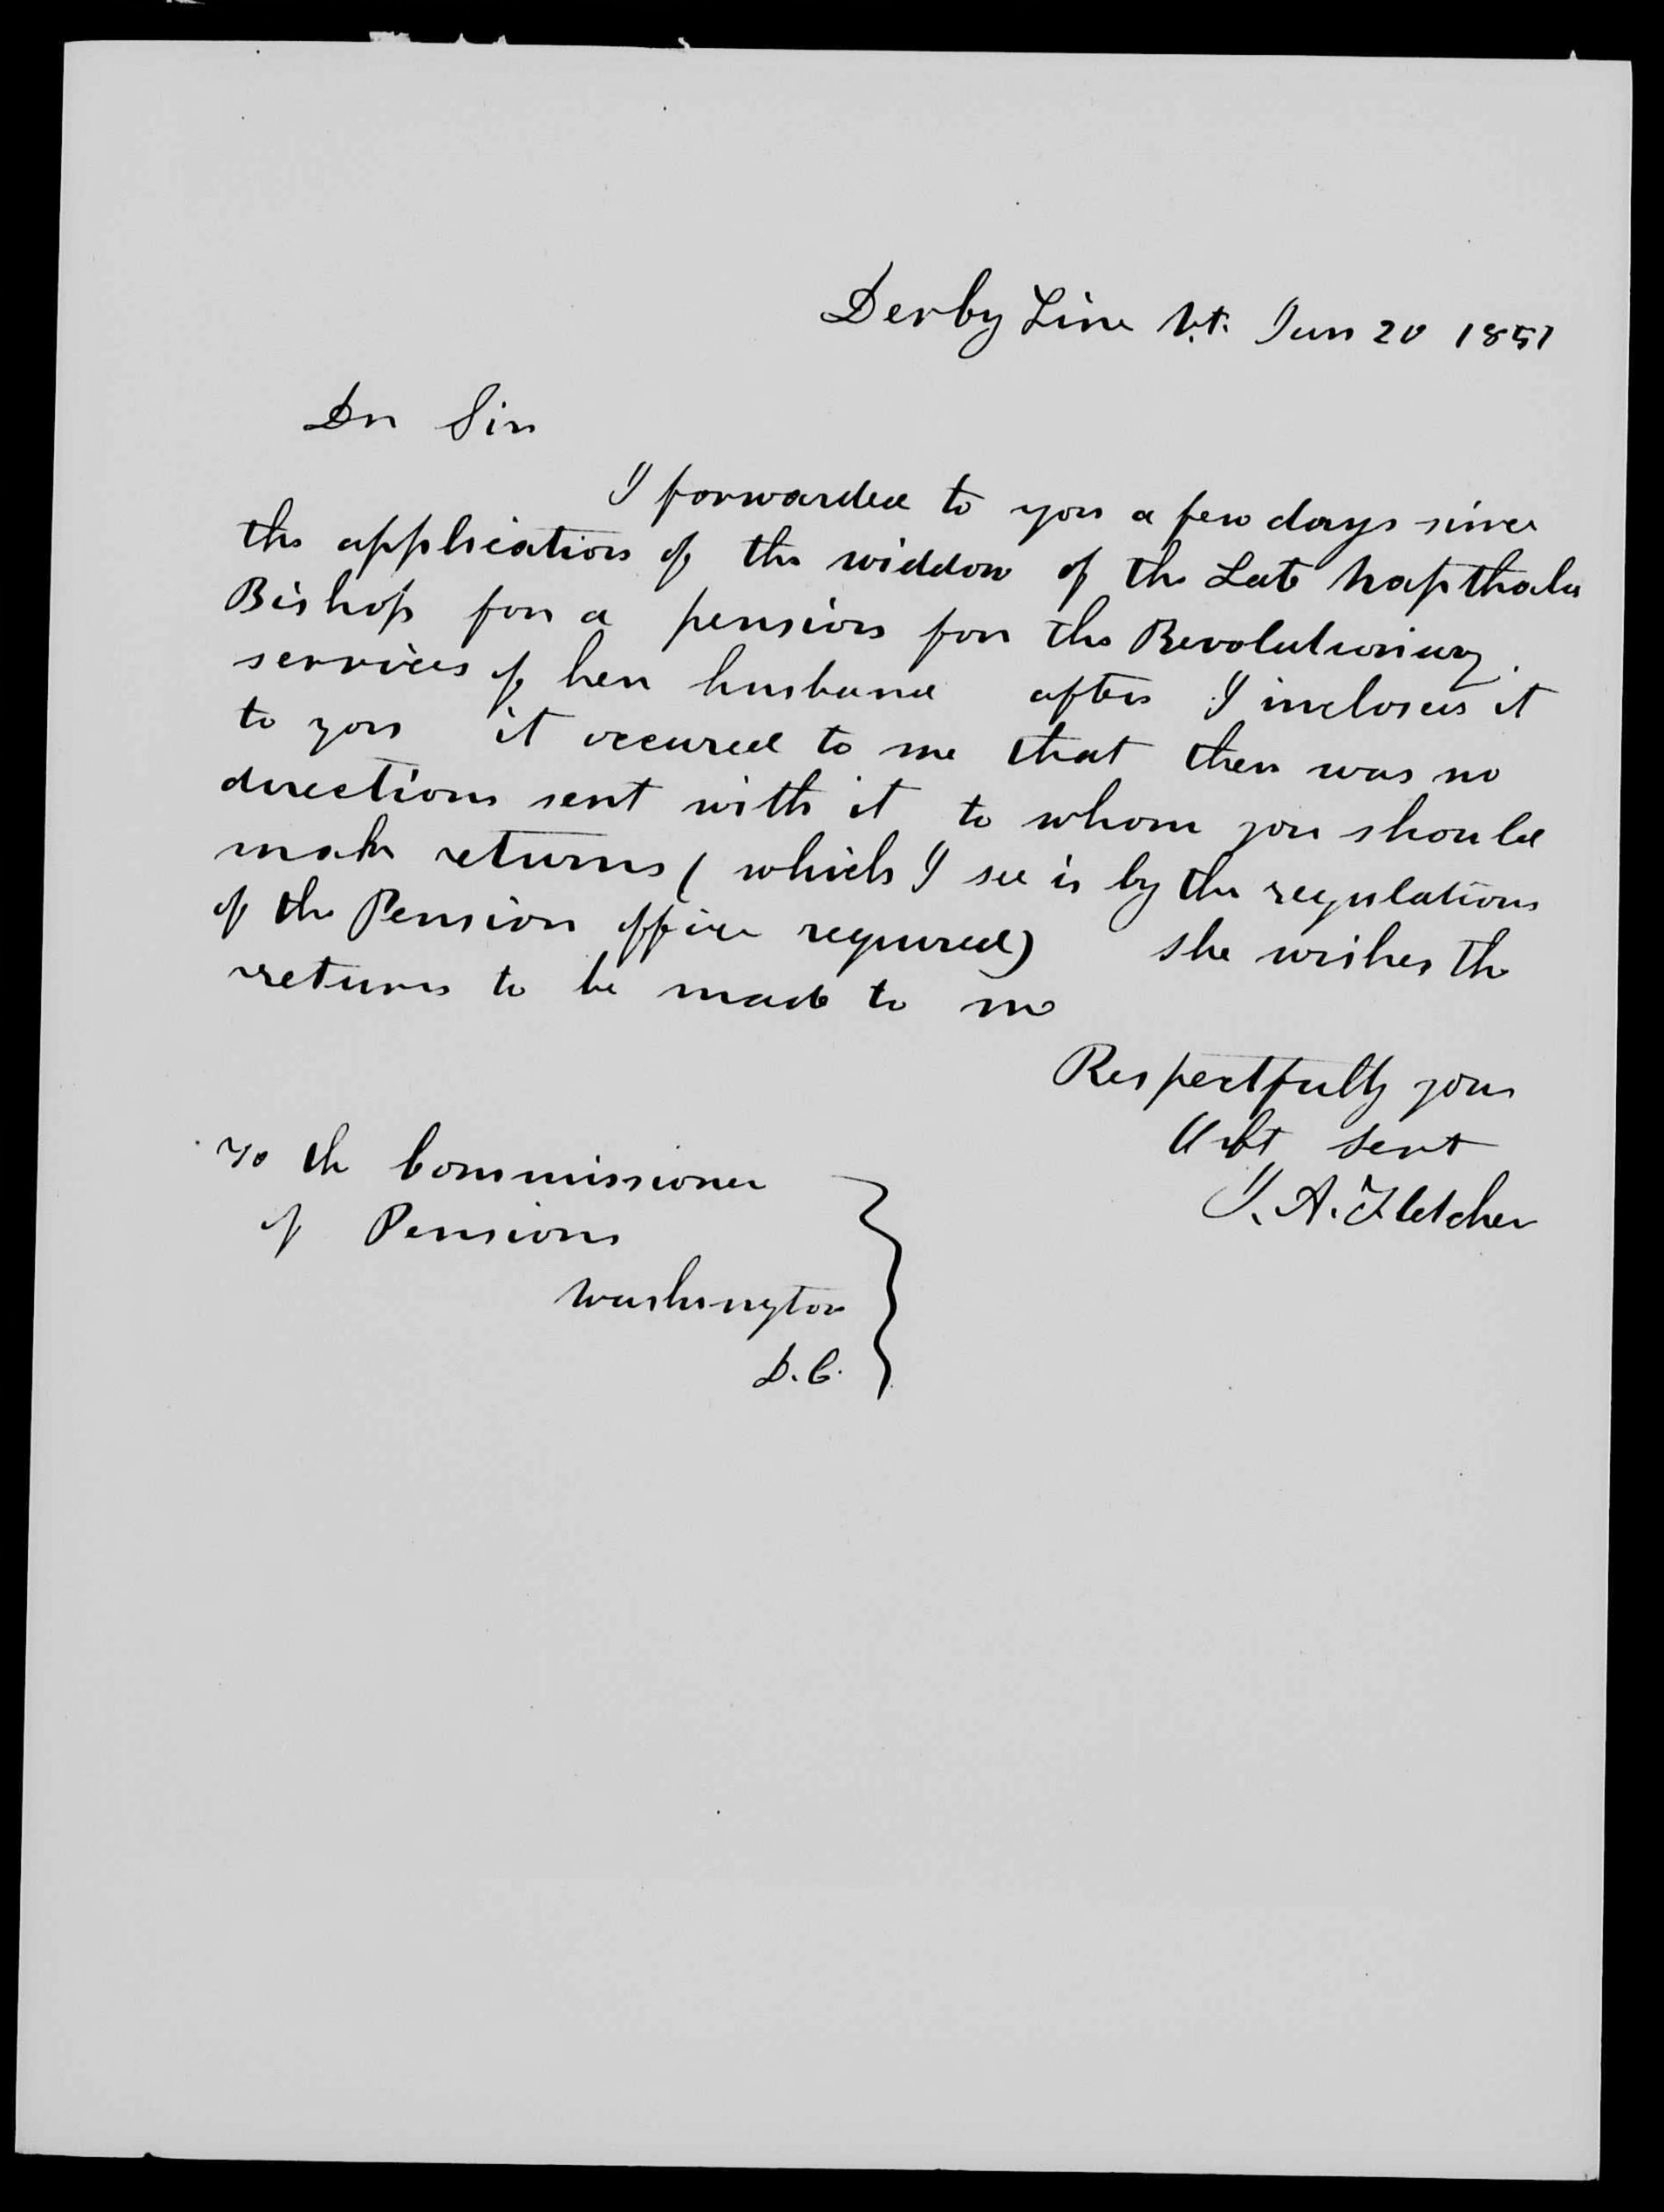Derby One Vt.  June 20 1851
Dear Sir
I forwarded to you a few days since the application of the widdow of the late Napthala Bishop for a pension for the Revolutionary services of her husband after I Incloses it to you it occurred to me that there was no directions sent with it to whom you should make returns (which I see is by the regulations of the Pension office required) she wishes the returns to be made to me
Respectfully your Obdt Sevt
J. A. Fletcher
To the Commissioner
of Pensions
Washington
D.C.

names: Napthala Bishop, J A Fletcher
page: 12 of 27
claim: rejected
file: R. 865, Napthala Bishop, Vt.